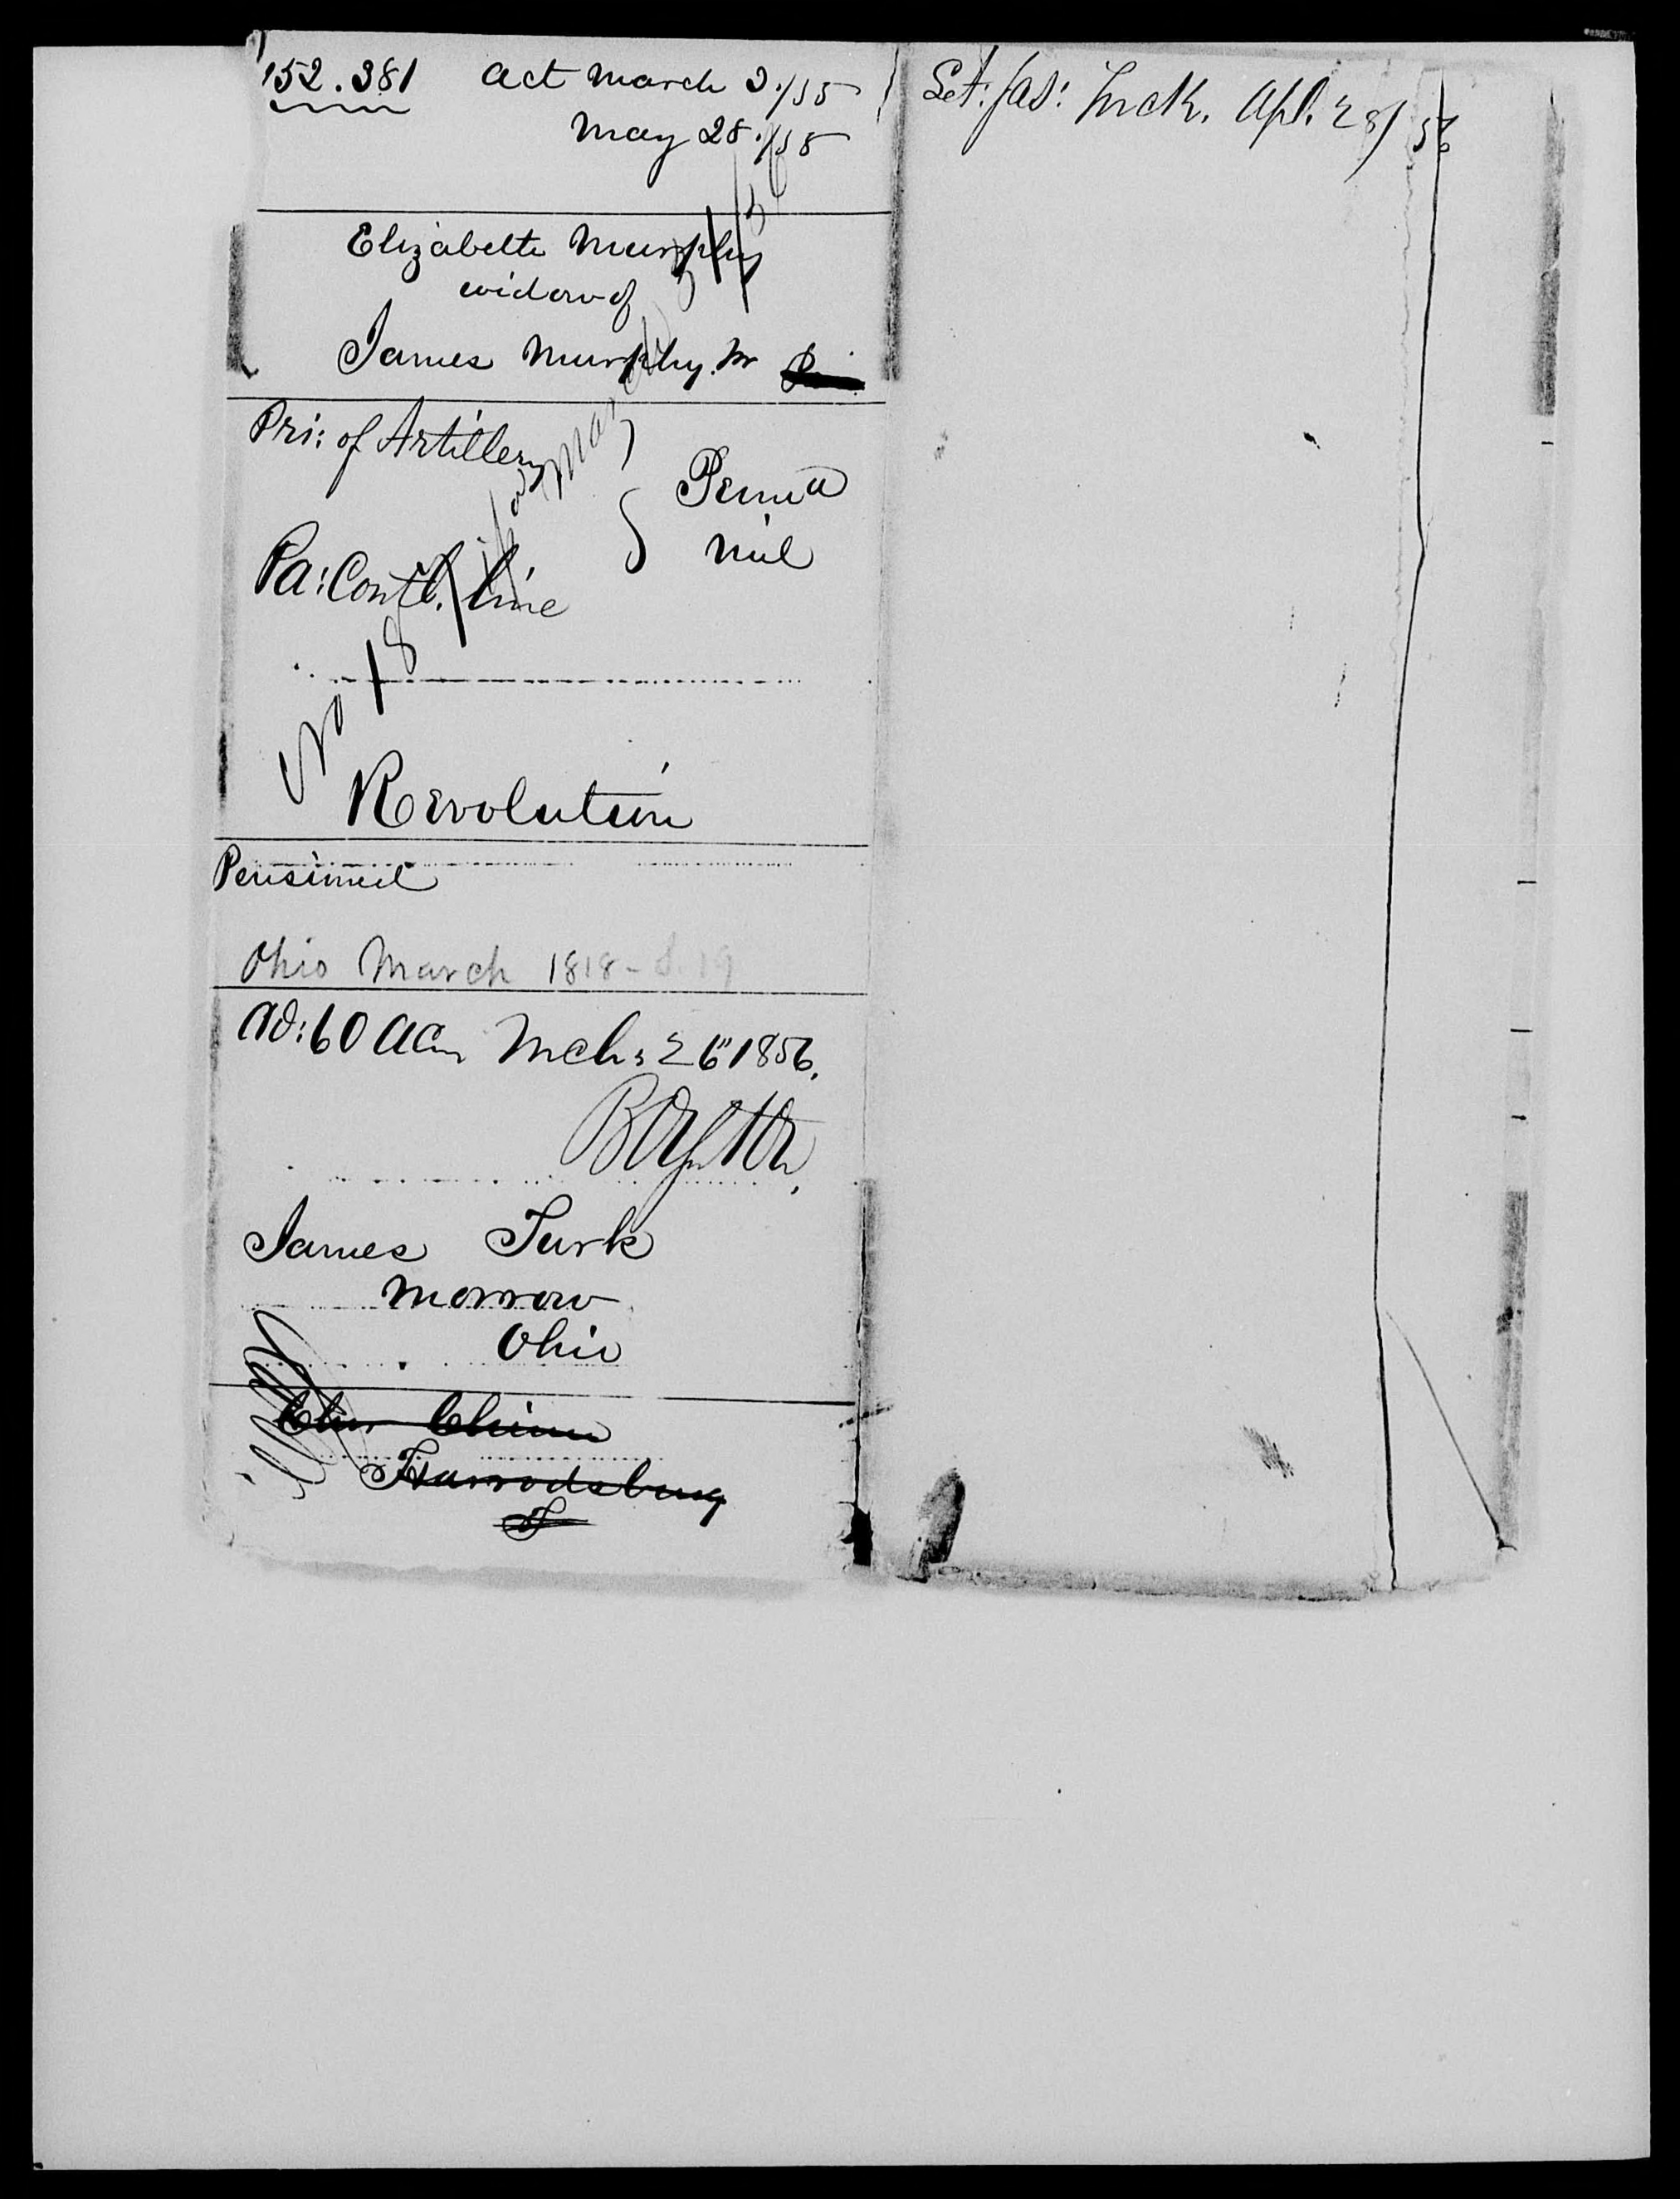152.381
Act March 2./ 55
May 28 ./55
----------
Elizabeth Murphy
widow of
James Murphy ?
----------
Pri: of Artillery
Pa Contl. line
Penna [     ?  ]

Revolution
-----------
Pensioned
Ohio March 1818- L 19
-----------
AD:60 Acr Mch 26" 1856
[ unclear ]
James Turk
Morrow
Ohio
------------
[    / ] Cline
Harrodsburg

set:jas:mck. Apl 28 /56

{diagonal cross page note unclear}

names: [BLANK] Boynton; James Murphy; James Turk; Elizabeth Murphy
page: 3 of 57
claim: widow's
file: W. 25,739, for James Murphey, Pennsylvania